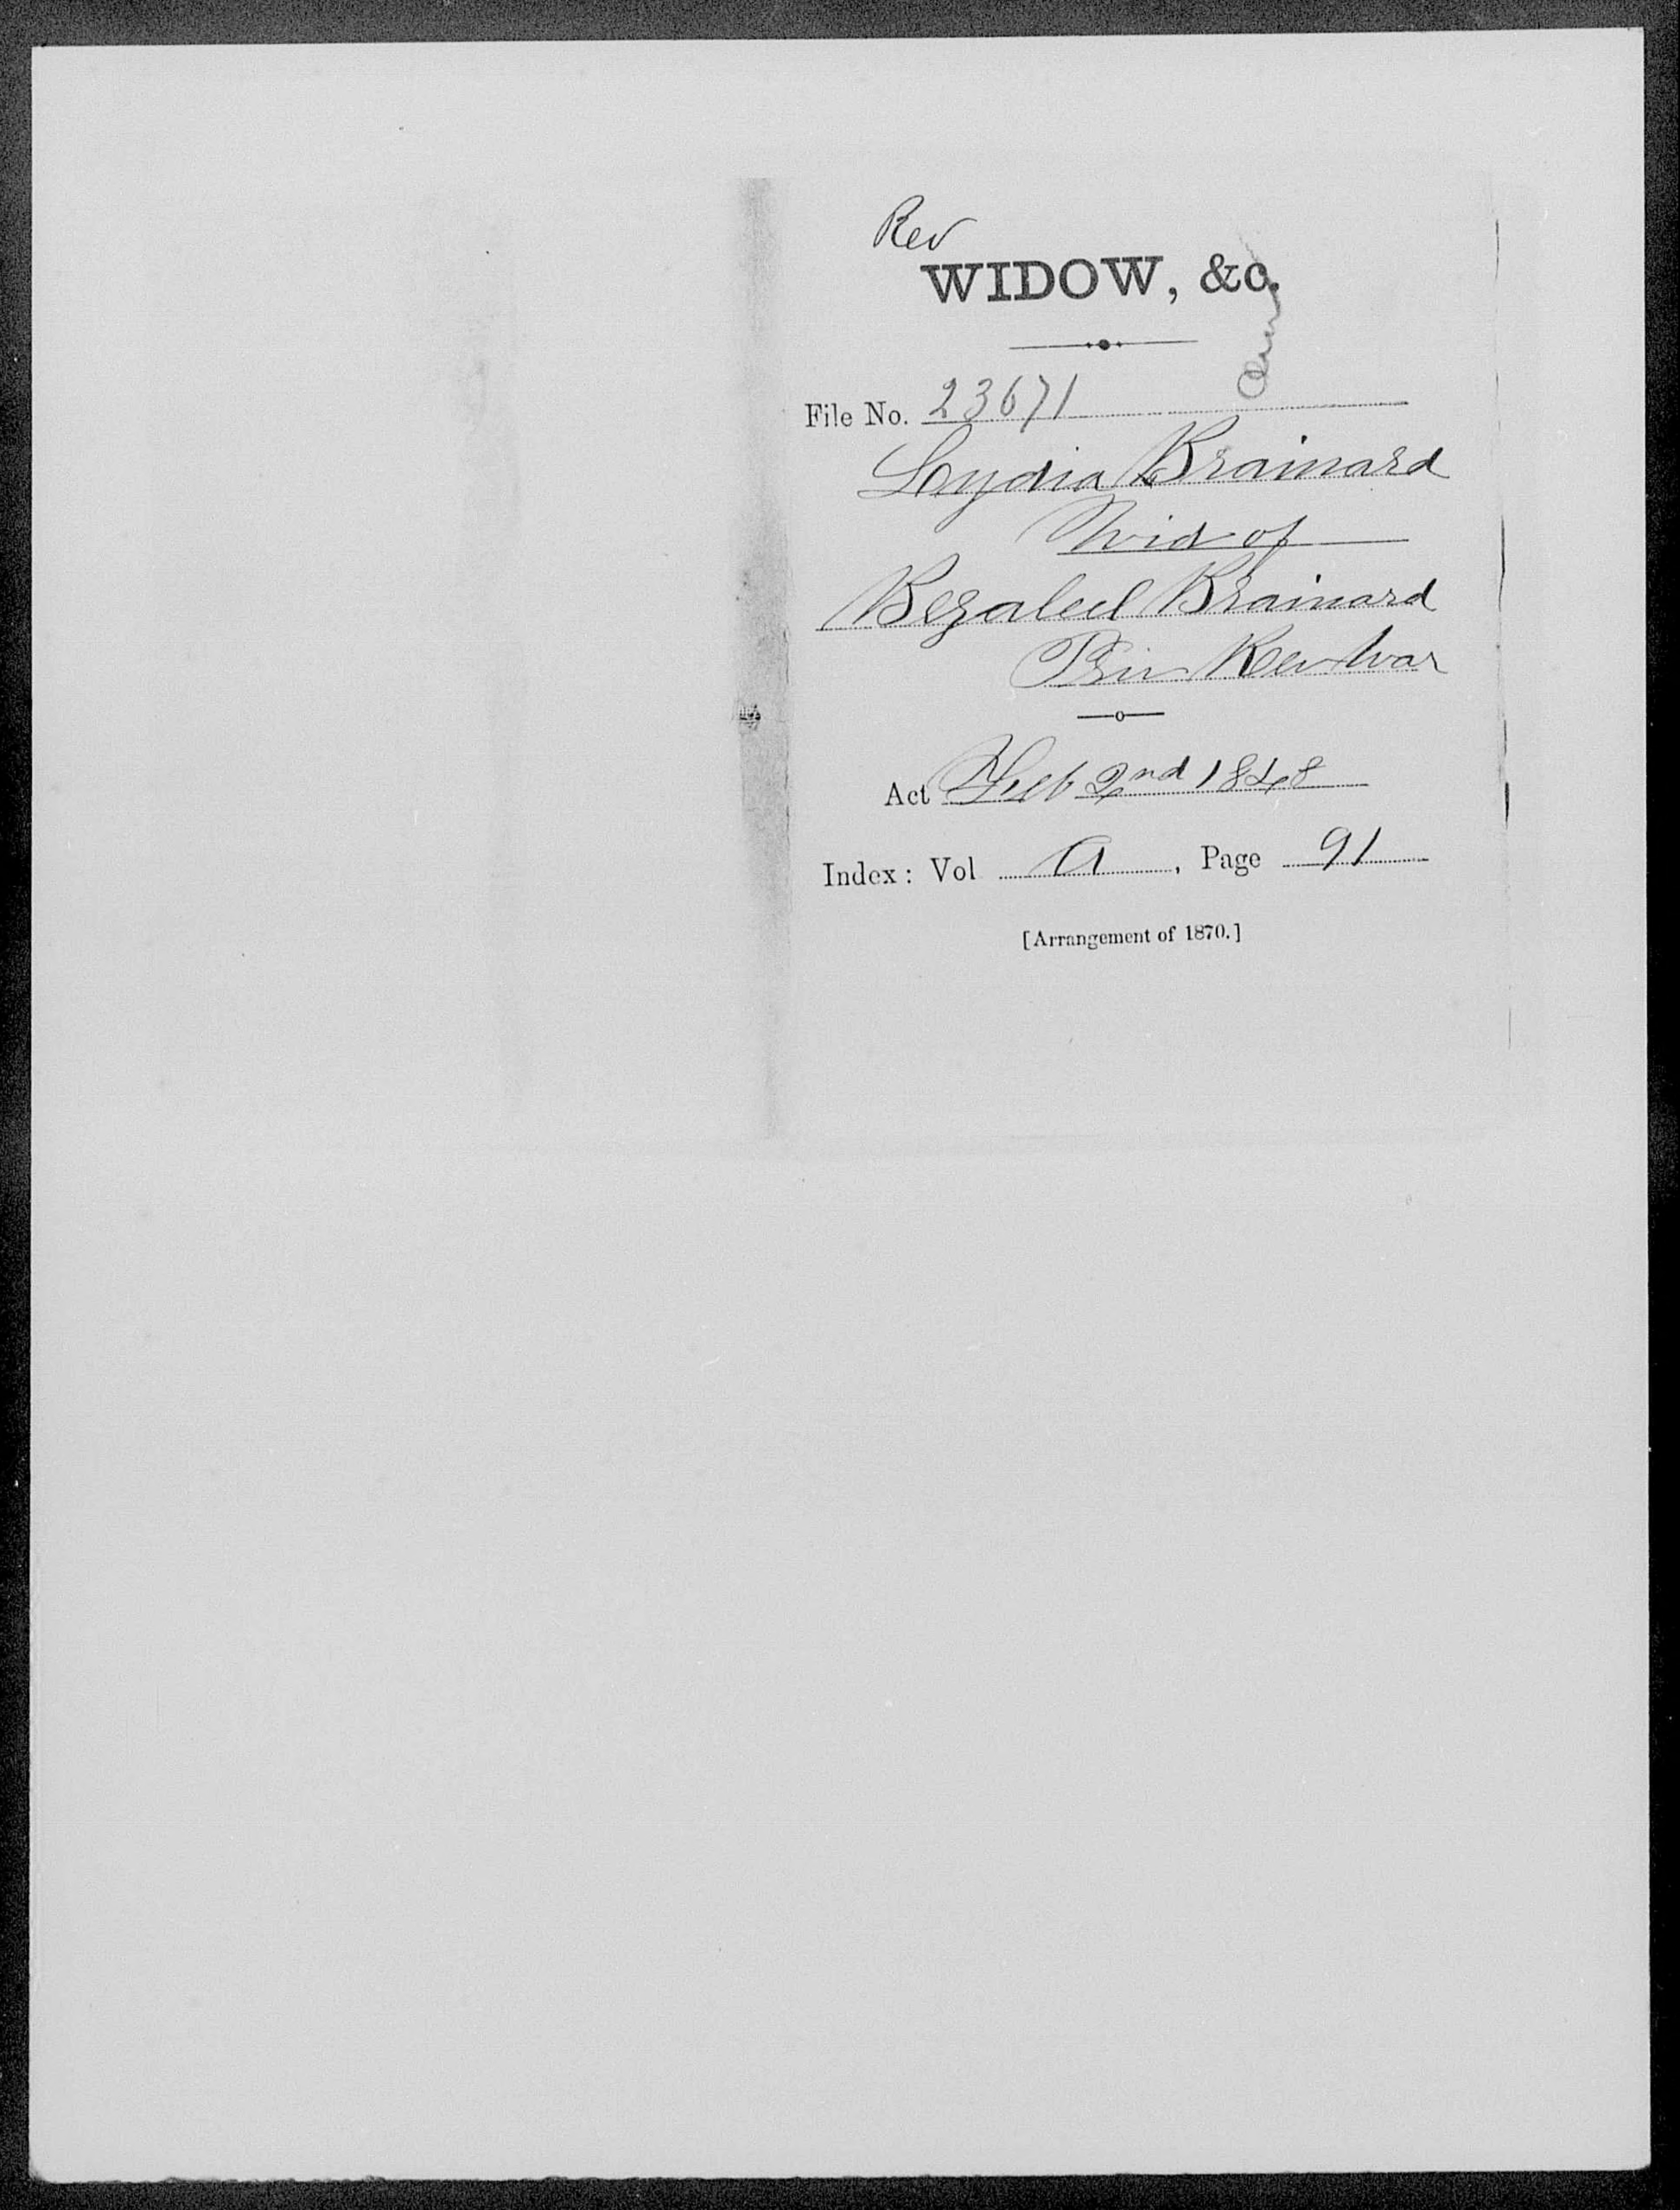Rev WIDOW, &
File No. 23671
Lydia Brainard
Wid of Bezaleel Brainard
Priv Rev Wat
Act Feb 2nd 1848
Index: Vol. A, Page 91
[Arrangement of 1870.]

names: Lydia Brainard, Bezaleel Brainard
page: 8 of 25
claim: widow's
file: W. 23,671, Bezaleel Brainard, Conn.